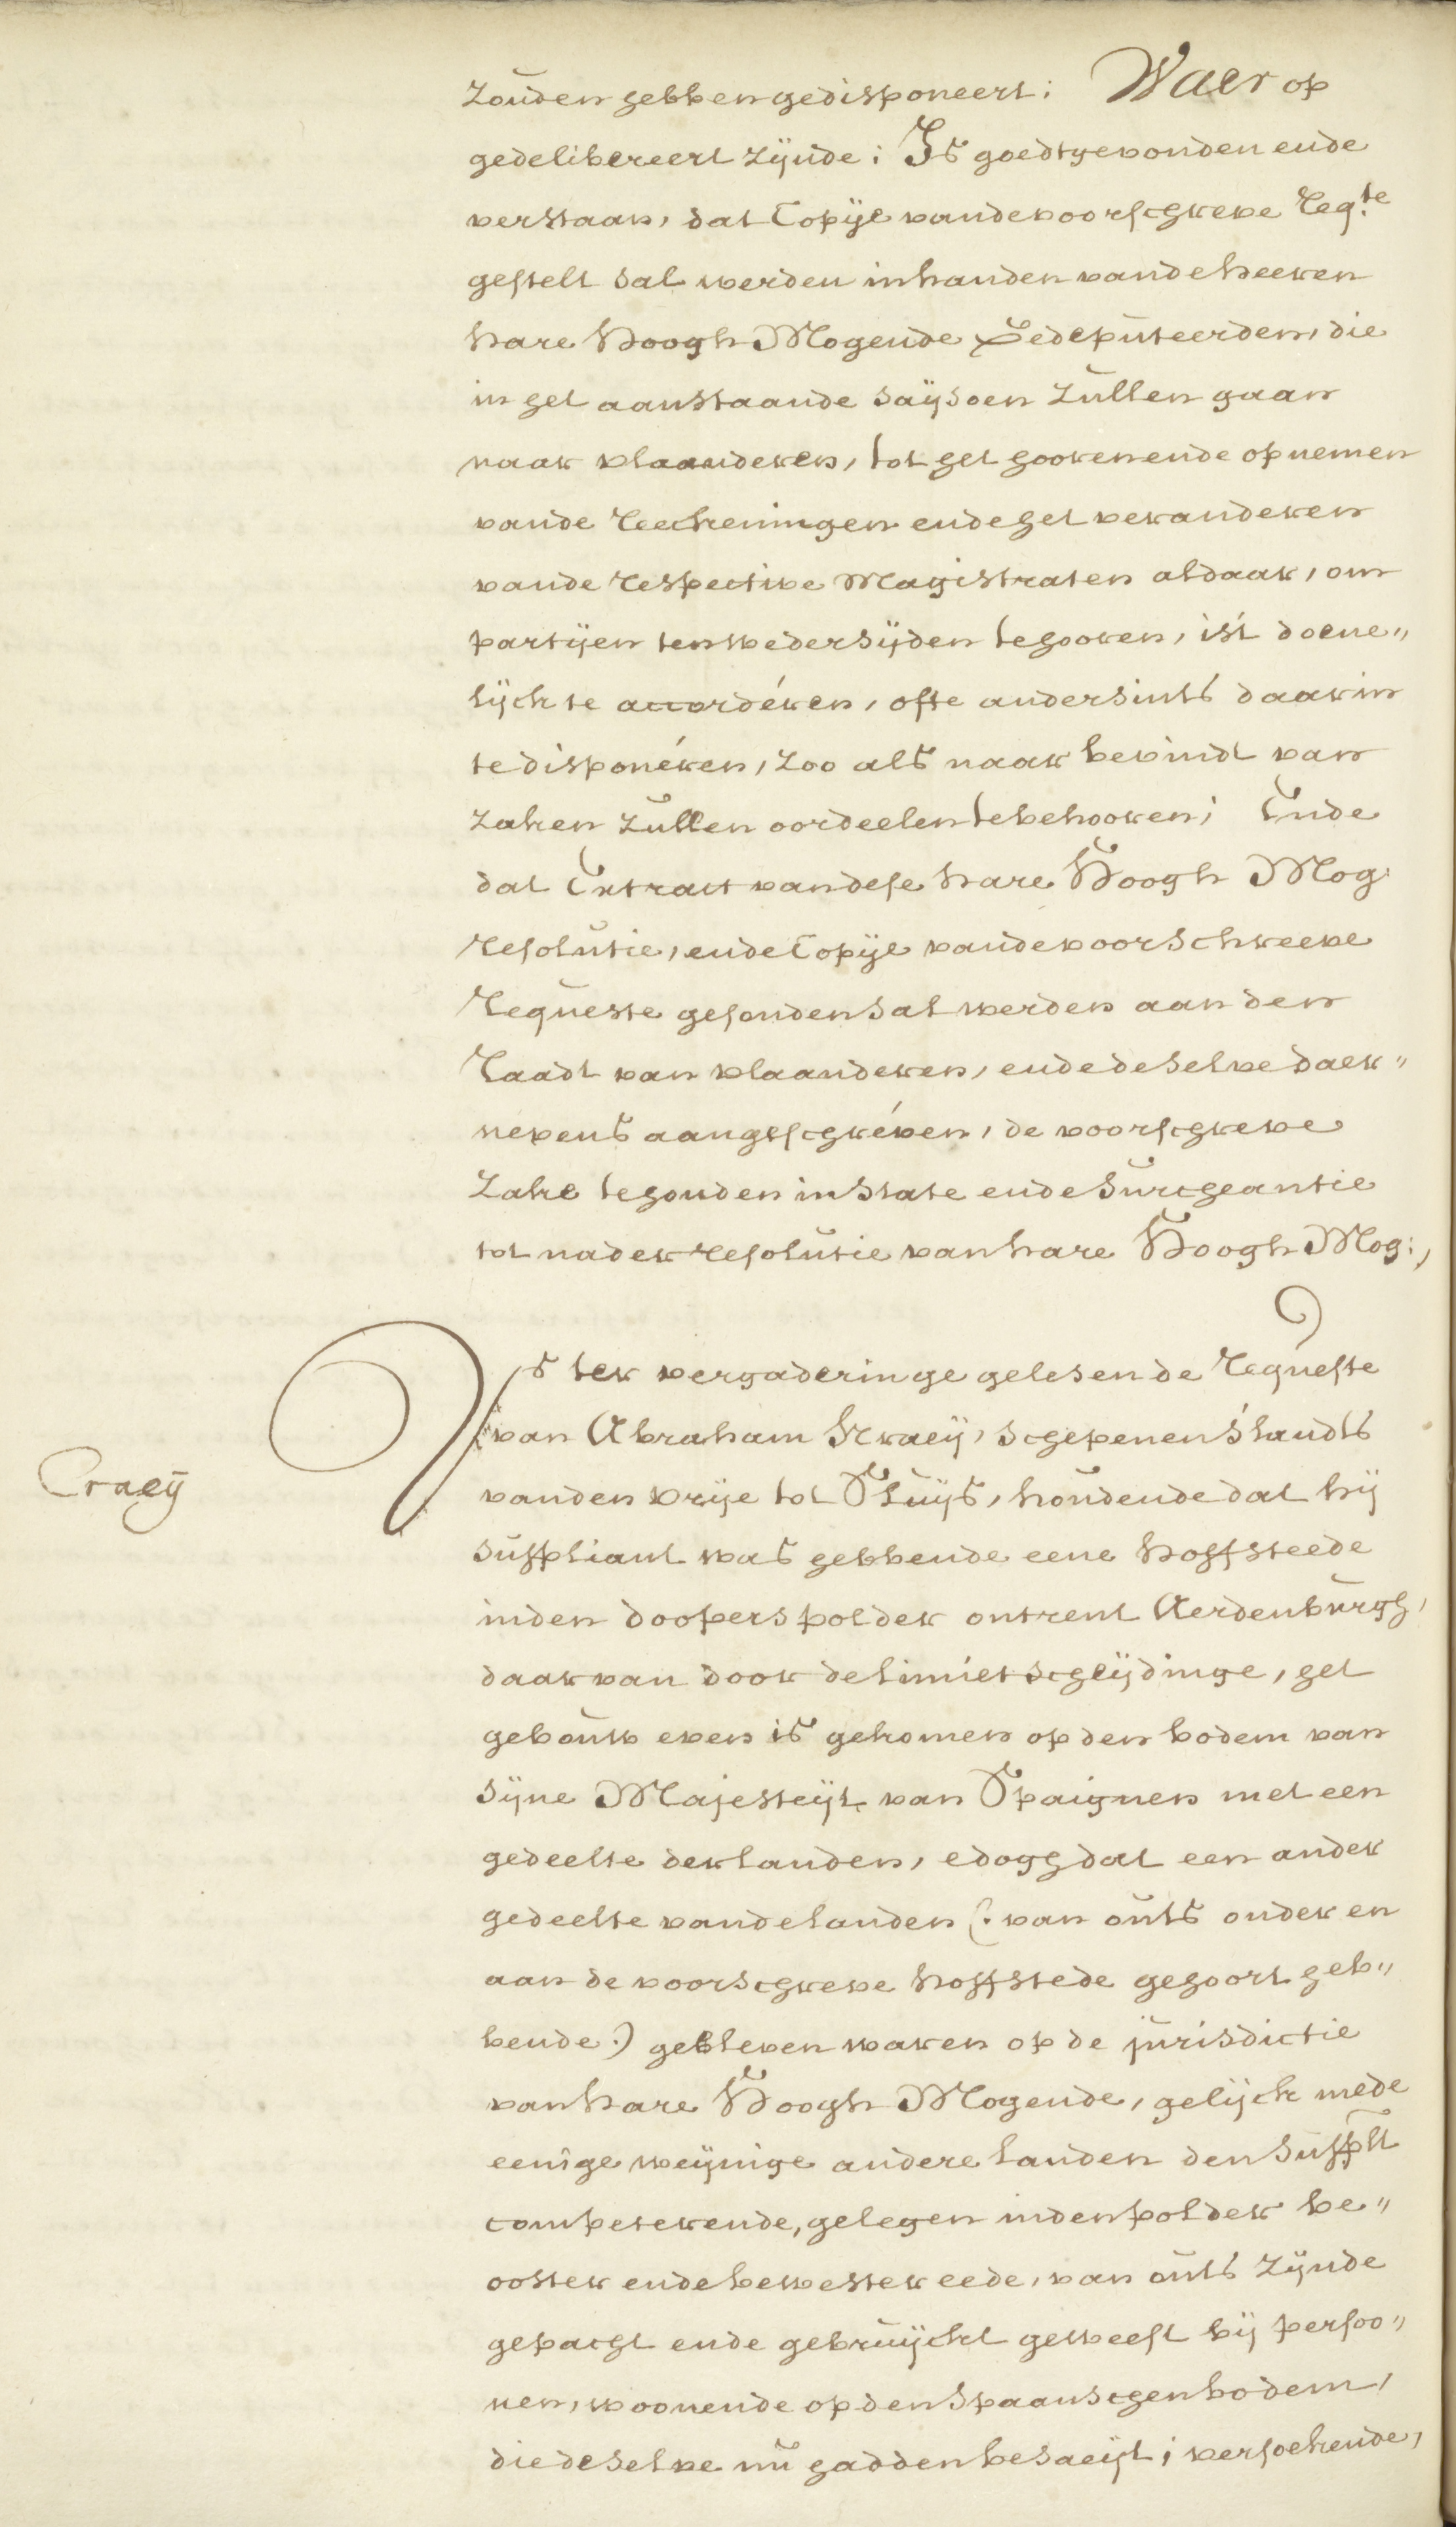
zouden hebben gedisponeert: Waer op
gedelibereert zijnde: Is goedtgevonden ende
verstaan, dat Copije vande voorschreve reqte
gestelt sal werden in handen vande heeren
hare Hoogh Mogende Gedeputeerden, die
in het aanstaande saijsoen zullen gaan
naar Vlaanderen, tot het hooren ende opnemen
vande reeckeningen ende het veranderen
vande respective magistraten aldaar, om
partijen ten wedersijden te hooren, is't doene„
lijck te accorderen, ofte andersints daarin
te disponeren, zoo als naar bevindt van
zaken zullen oordeelen te behooren: Ende
dat Extract van dese hare Hoogh Mog:
resolutie, ende copije vande voorschreeve
requeste gesonden sal werden aan den
Raadt van Vlaanderen, ende deselve daer,
nevens aangeschreven, de voorschreve
zake te houden in state ende surcheantie
tot nader resolutie van hare Hoogh Mog:,
Craeij
Is ter vergaderinge gelesen de requeste
van Abraham Kraeij, schepenen s'landts
vanden vrije tot Sluijs, houdende dat hij
suppliant was hebbende eene Hoffsteede
inden dooperspolder ontrent Aerdenburgh,
daar van door de limietscheijdinge, het
gebouw even is gekomen op den bodem van
sijne Majesteijt van Spaignen met een
gedeelte der landen, edogh dat een ander
gedeelte vande landen (. van outs onder en
aan de voorschreve hoffstede gehoort heb„
bende .) gebleven waren op de jurisdictie
van hare Hoogh Mogende, gelijck mede
eenige weijnge andere landen den supplt
competerende gelegen inden polder be„
ooster ende bewester eede, van outs zijnde
gepacht ende gebruijckt geweest bij persoo,
nen, woonende op den spaanschen bodem,
die deselve nu hadden besaeijt; versoekende,
